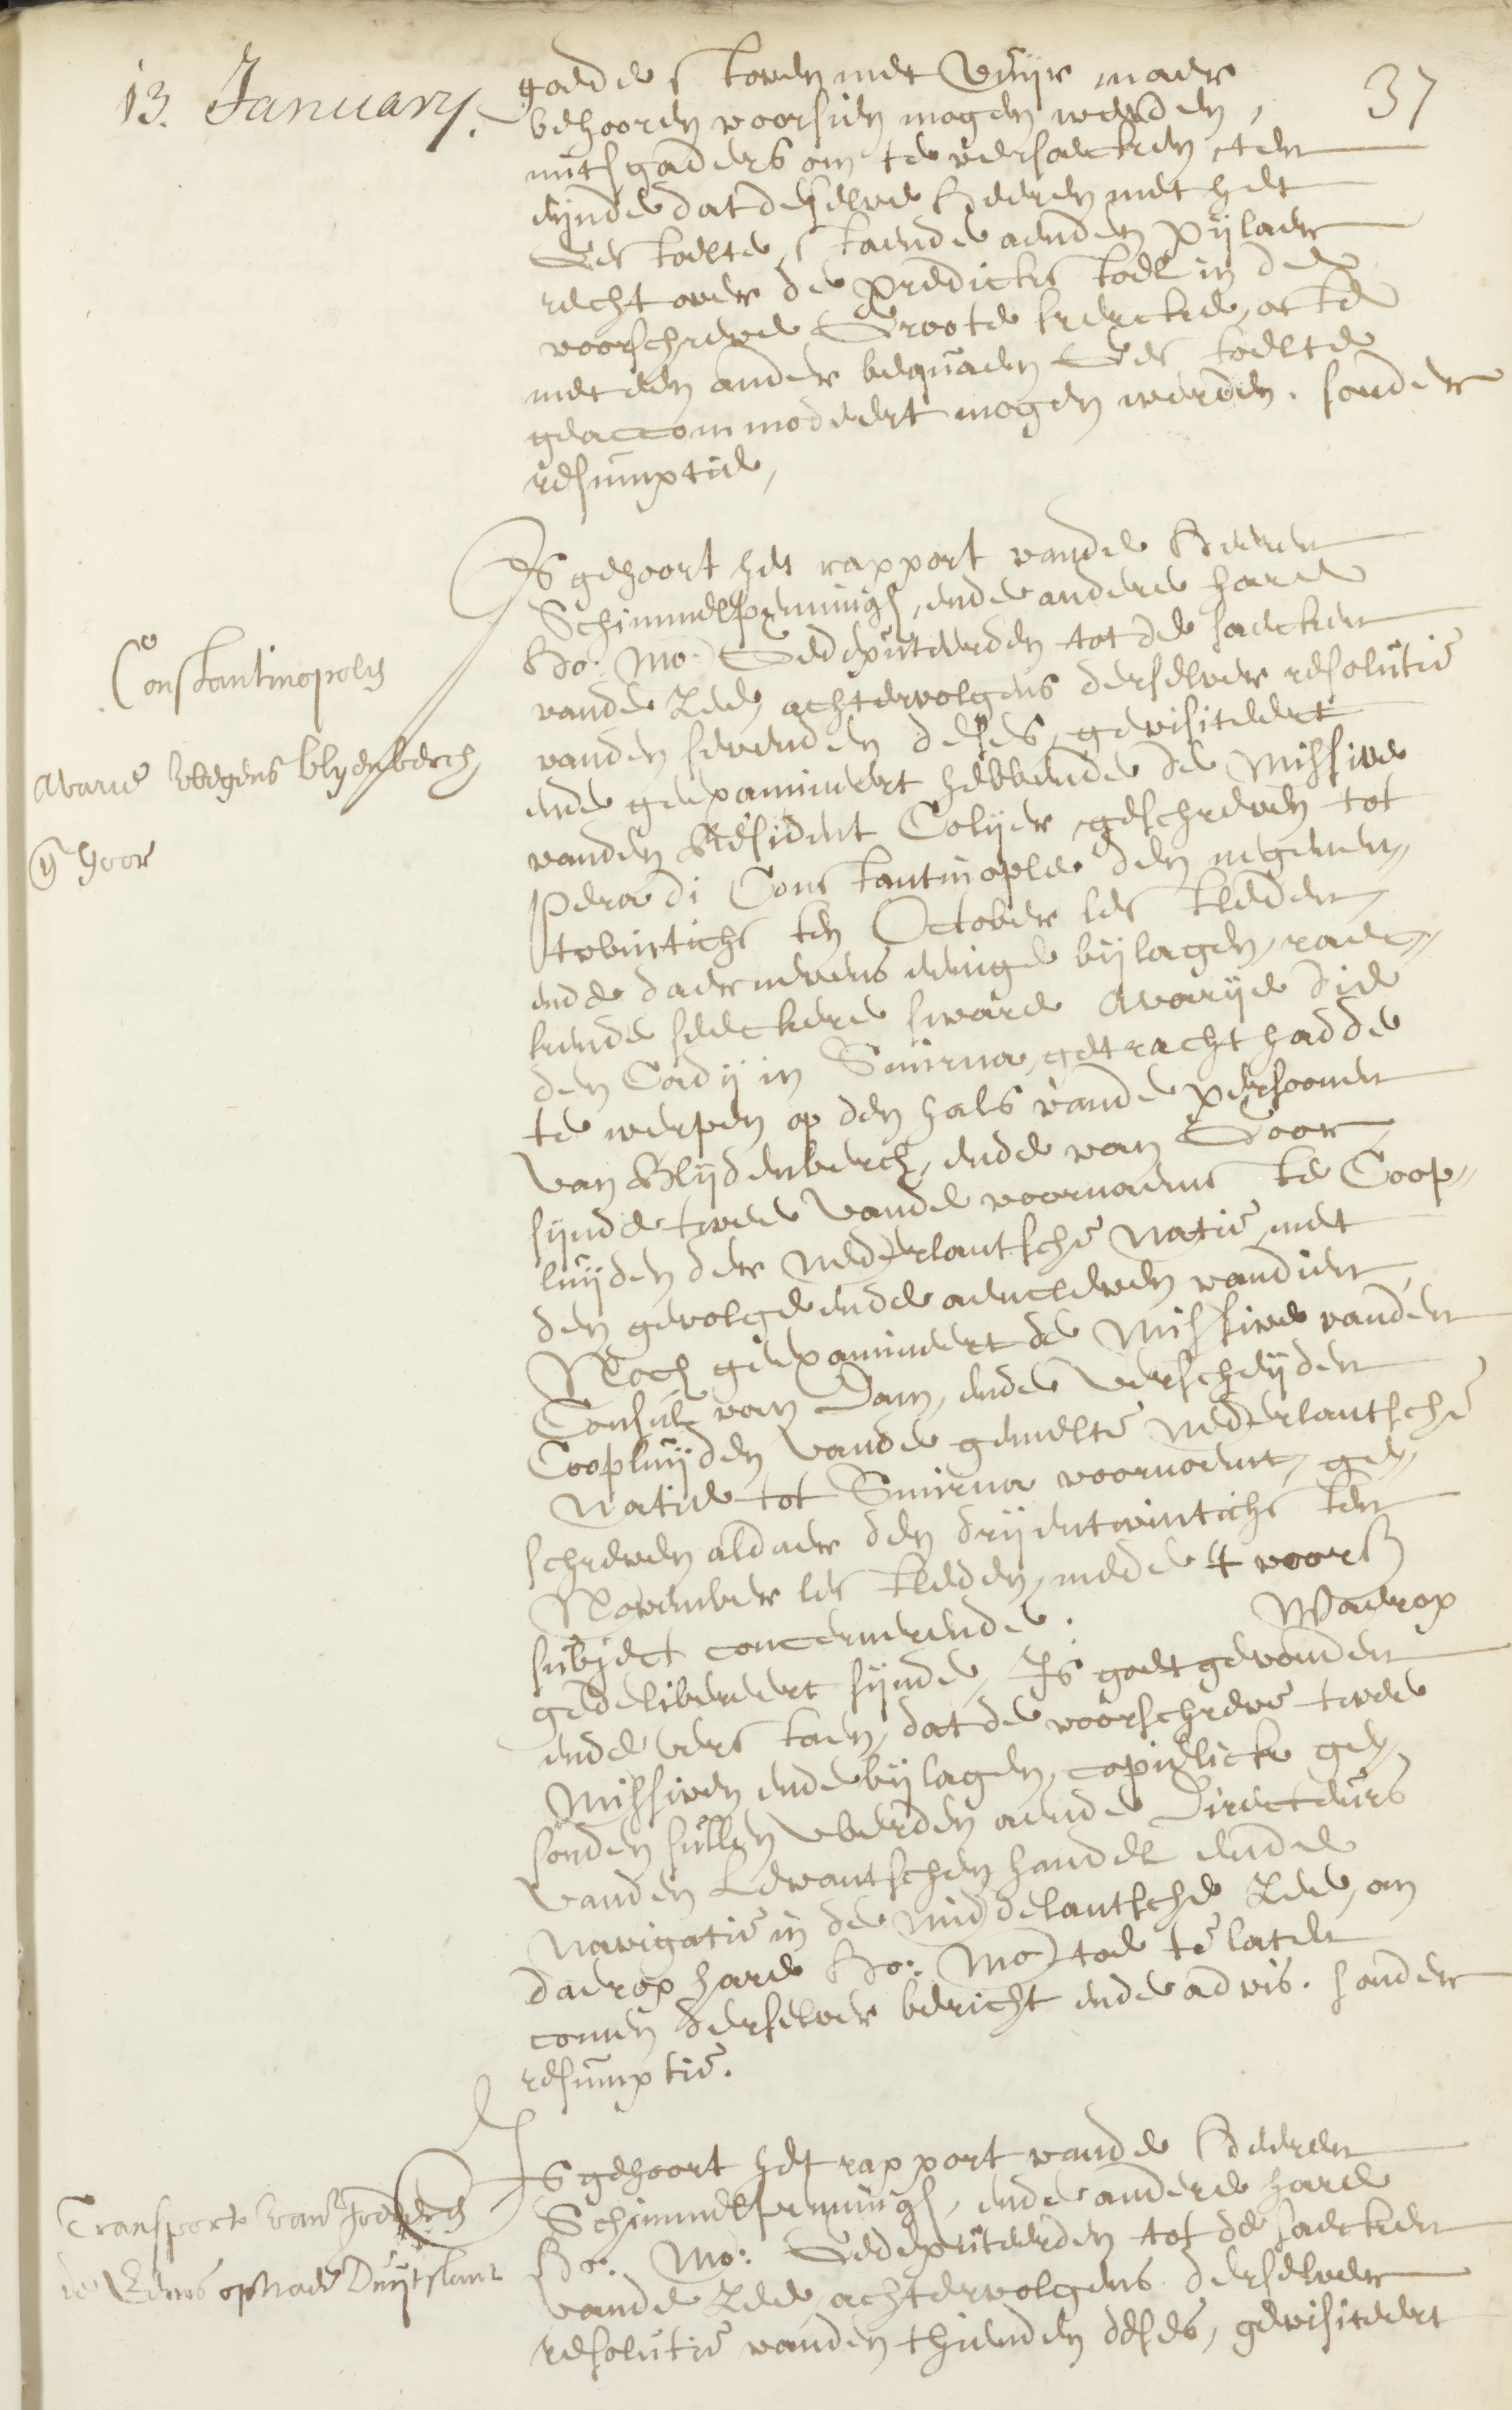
37
13. Januarii.
goede stoven met vuijr, naer
behooren voorsien mogen werden,
mitsgaders om te versoecken, ten
eijnde dat deselve Heeren met het
Gestoelte staende aenden pijlaer
recht over de predickstoel in de
voorschreve Groote Kercke, ofte
met een ander bequaem Gestoelte
geaccommodeert mogen werden, sonder
resumptie
Constantinopolis
avarie wegens blyenberch,
& Goor
Is gehoort het rapport vande Heeren
Schimmelpenningh, ende andere hare
Ho:Mo: Gedeputeerden tot de saecken
vande zee, achtervolgens derselver resolutie
vanden sevenden deses, gevisiteert
ende geexamineert hebbende de missive
vanden Resident Colijer, geschreven tot
Pera di Constantinople den negenen„,
twintichsten October lestleden
ende daernevens eenige bijlagen, raec„
kende seeckere sware avarije die
den Cadij in Smirna, getracht hadde
te werpen op den hals vande persoonen
van Blijdenberch, ende van Goor
sijnde twee vande voornaemste Coop„
luijden der Nederlantsche natie, met
den gevolge ende aencleven vandien
Noch geexamineert de missive vanden
Consul van Dam, ende verscheijden
Coopluijden vande gemelte Nederlantsche
natie tot Smirna voornoemt, ge„
schreven aldaer den drijentwintichsten
November lestleden, mede 't voors
subject concernerende: Waerop
gedelibereert sijnde, Is goetgevonden
ende verstaen, dat de voorschreve twee
missiven ende bijlagen, copielick ge„
sonden sullen werden aende Directeurs
vanden Levantschen handel ende
navigatie in de middelantsche zee, om
daerop hare Ho:Mo: toe te laten
comen derselver bericht ende advis. sonder
resumptie.
Transport van goederen
de Eems op naer Duijtslant
Is gehoort het rapport vande Heeren
Schimmelpenningh, ende andere hare
Ho:Mo: Gedeputeerden tot de saecken
vande zee, achtervolgens derselver
resolutie vanden thienden deses, gevisiteert
